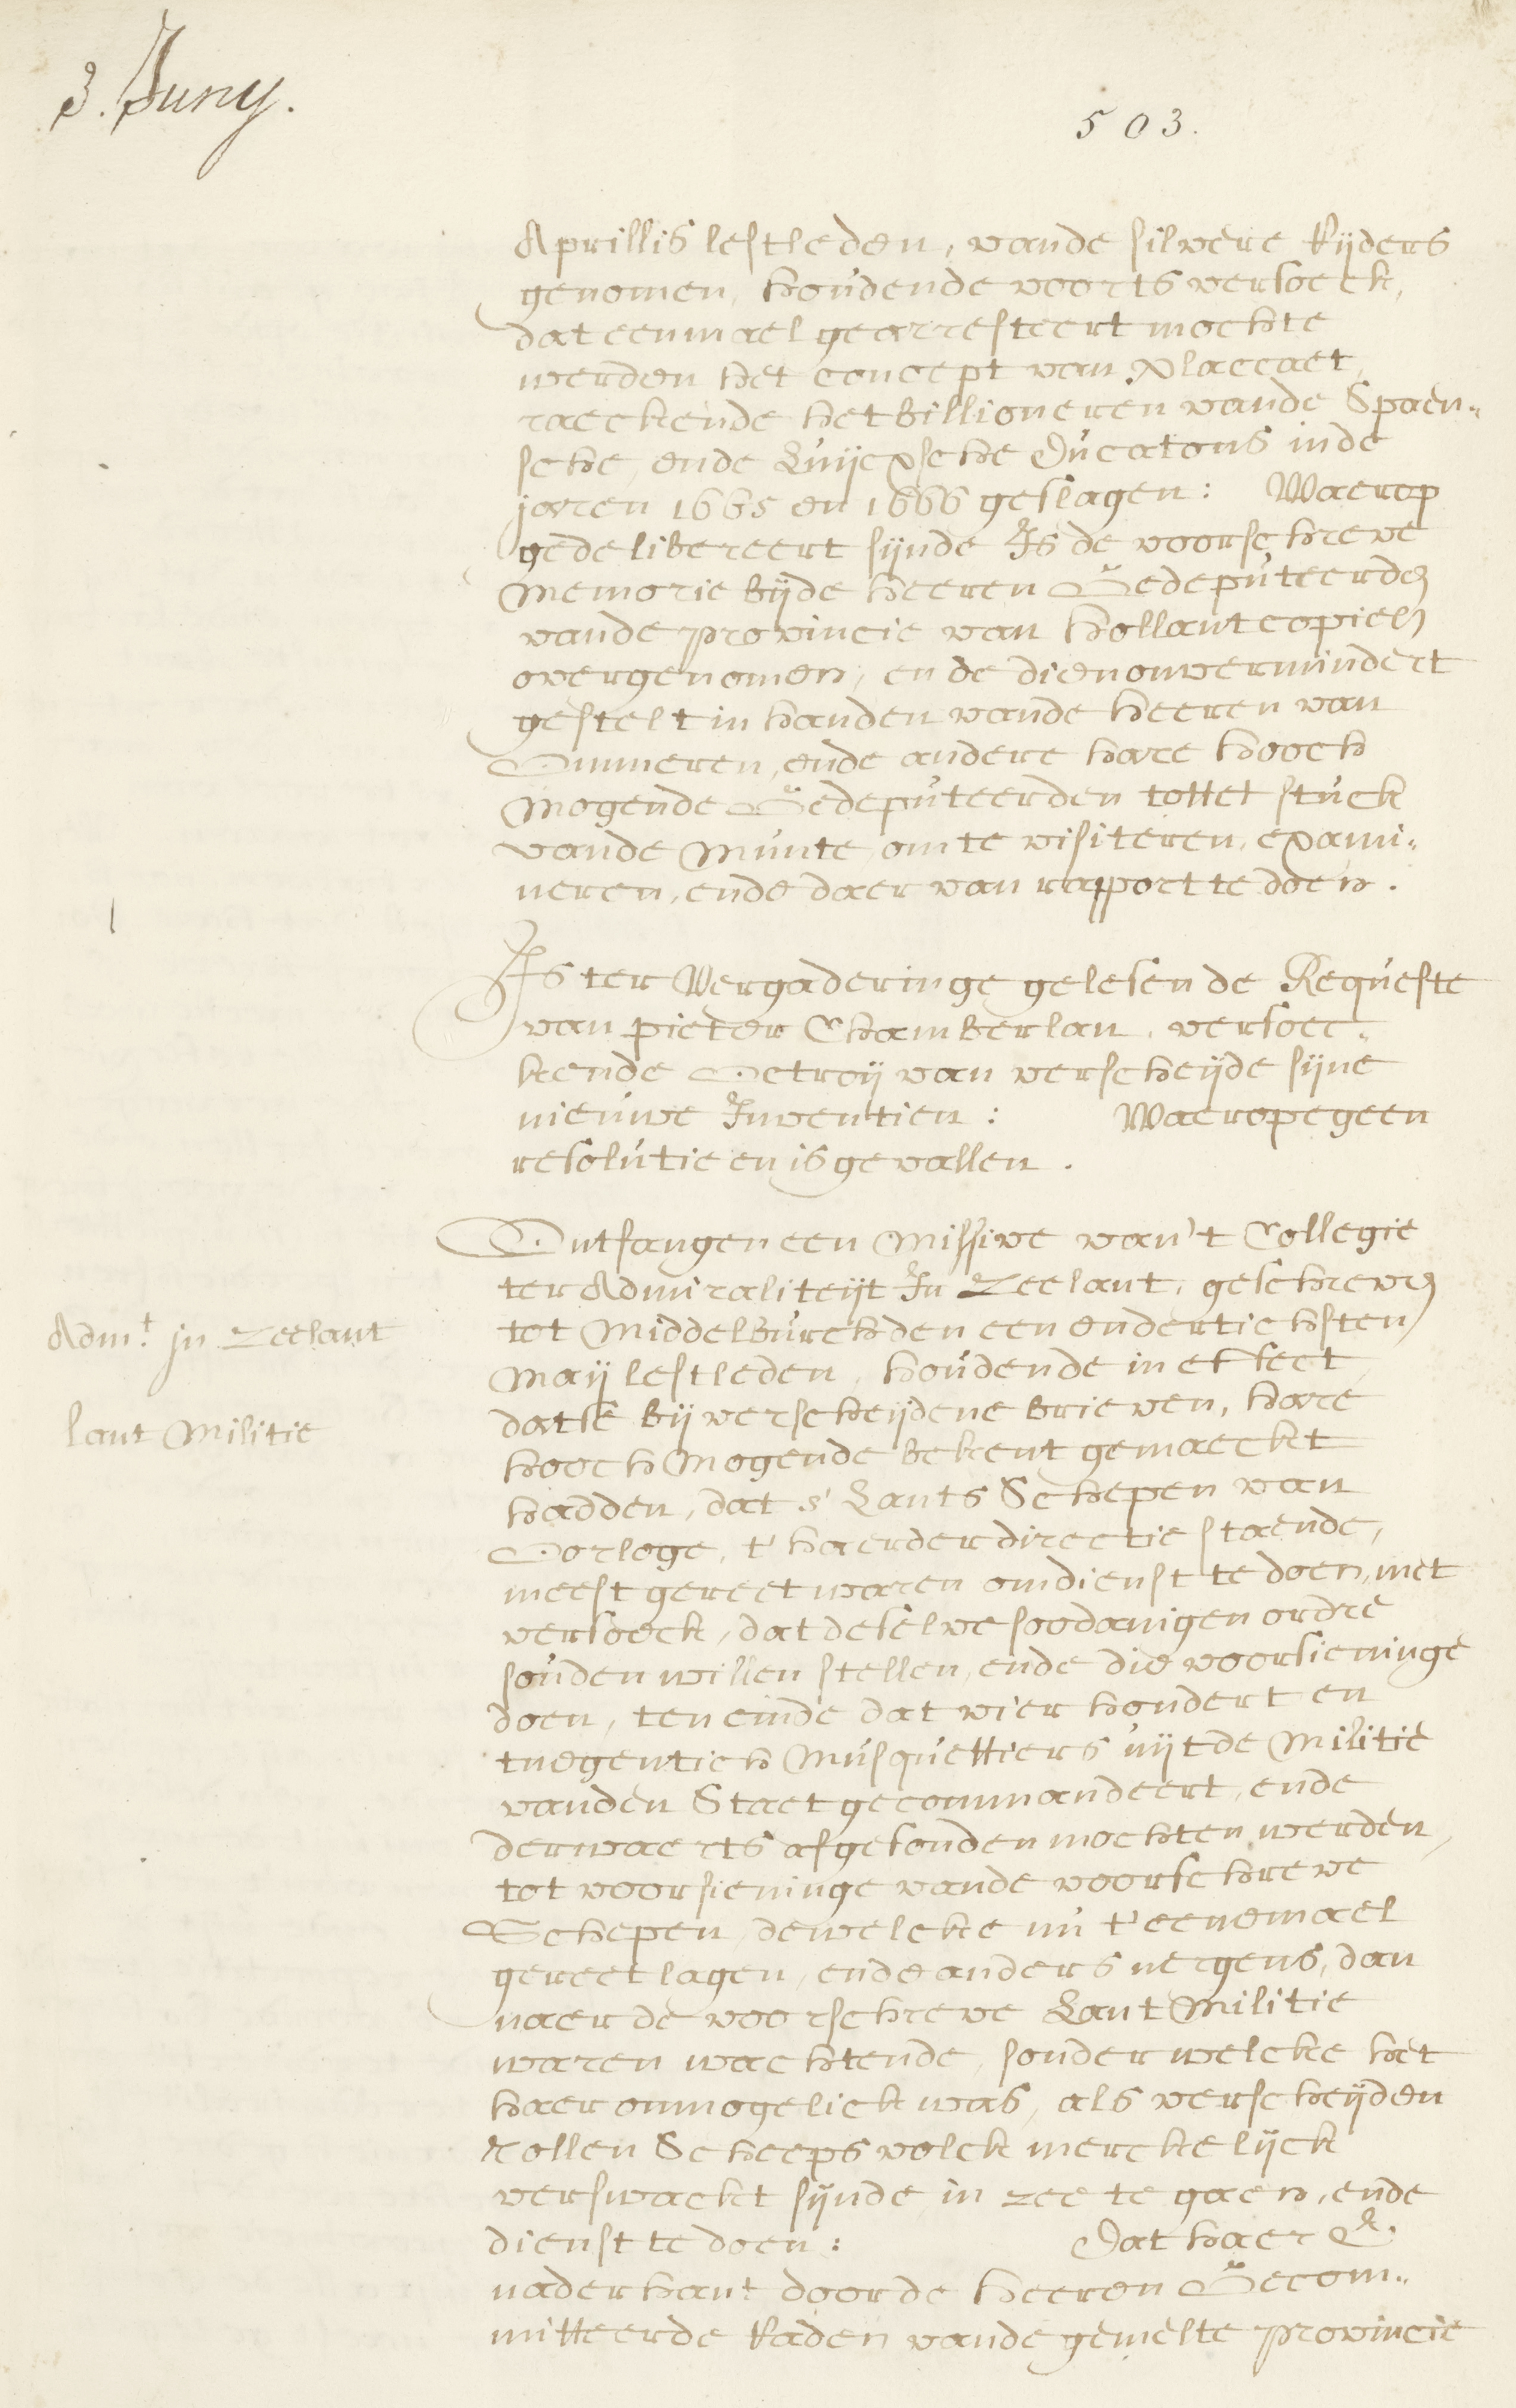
503.
3. Juny.
Aprillis lestleden, vande silvere Rijders
genomen, houdende voorts versoeck,
dat eenmael gearresteert mochte
werden het concept van Placcaet,
raeckende het billioneren vande Spaen,,
sche, ende Luijcxsche Ducatons inde
jaren 1665 en 1666 geslagen: Waerop
gedelibereert sijnde Is de voorschreve
memorie bijde heeren Gedeputeerden
vande provincie van Hollant copiel
overgenomen, ende dienonvermindert
gestelt in handen vande heeren van
Ommeren, ende andere hare hooch
mogende Gedeputeerden tottet stuck
vande munte om te visiteren, exami,,
neren, ende daer van rapport te doen.
Is ter Vergaderinge gelesen de Requeste
van pieter Chamberlan, versoec,,
kende Octroij van verscheijde sijne
nieuwe Inventien: Waerop egeen
resolutie en is gevallen.
Admt. In zeelant
lant militie
Ontfangen een missive van't Collegie
ter Admiraliteijt in Zeelant, geschreven
tot middelburch den eenendertichsten
maij lestleden houdende in effect
datse bij verscheijdene brieven, hare
hooch mogende bekent gemaeckt
hadden, dat s'Lants Schepen van
Oorloge, t' haerder directie staende,
meest gereet waren om dienst te doen, met
versoeck, dat deselve soodanigen ordre
souden willen stellen, ende die voorsieninge
doen, ten einde dat vier hondert en
tnegentich musquettiers uijt de militie
vanden Staet gecommandeert, ende
derwaerts afgesonden mochten werden,
tot voorsieninge vande voorschreve
Schepen, denwelcke nu t'eenemael
gereet lagen, ende anders nergens dan
naer de voorschreve Lantmilitie
waren wachtende, sonder welcke het
haer onmogelick was, als verscheijden
rollen Scheepsvolck merckelijck
verswackt sijnde in zee te gaen, ende
dienst te doen: Dat haer E.
naderhant door de Heeren Gecom,,
mitteerde Raden vande gemelte provincie
